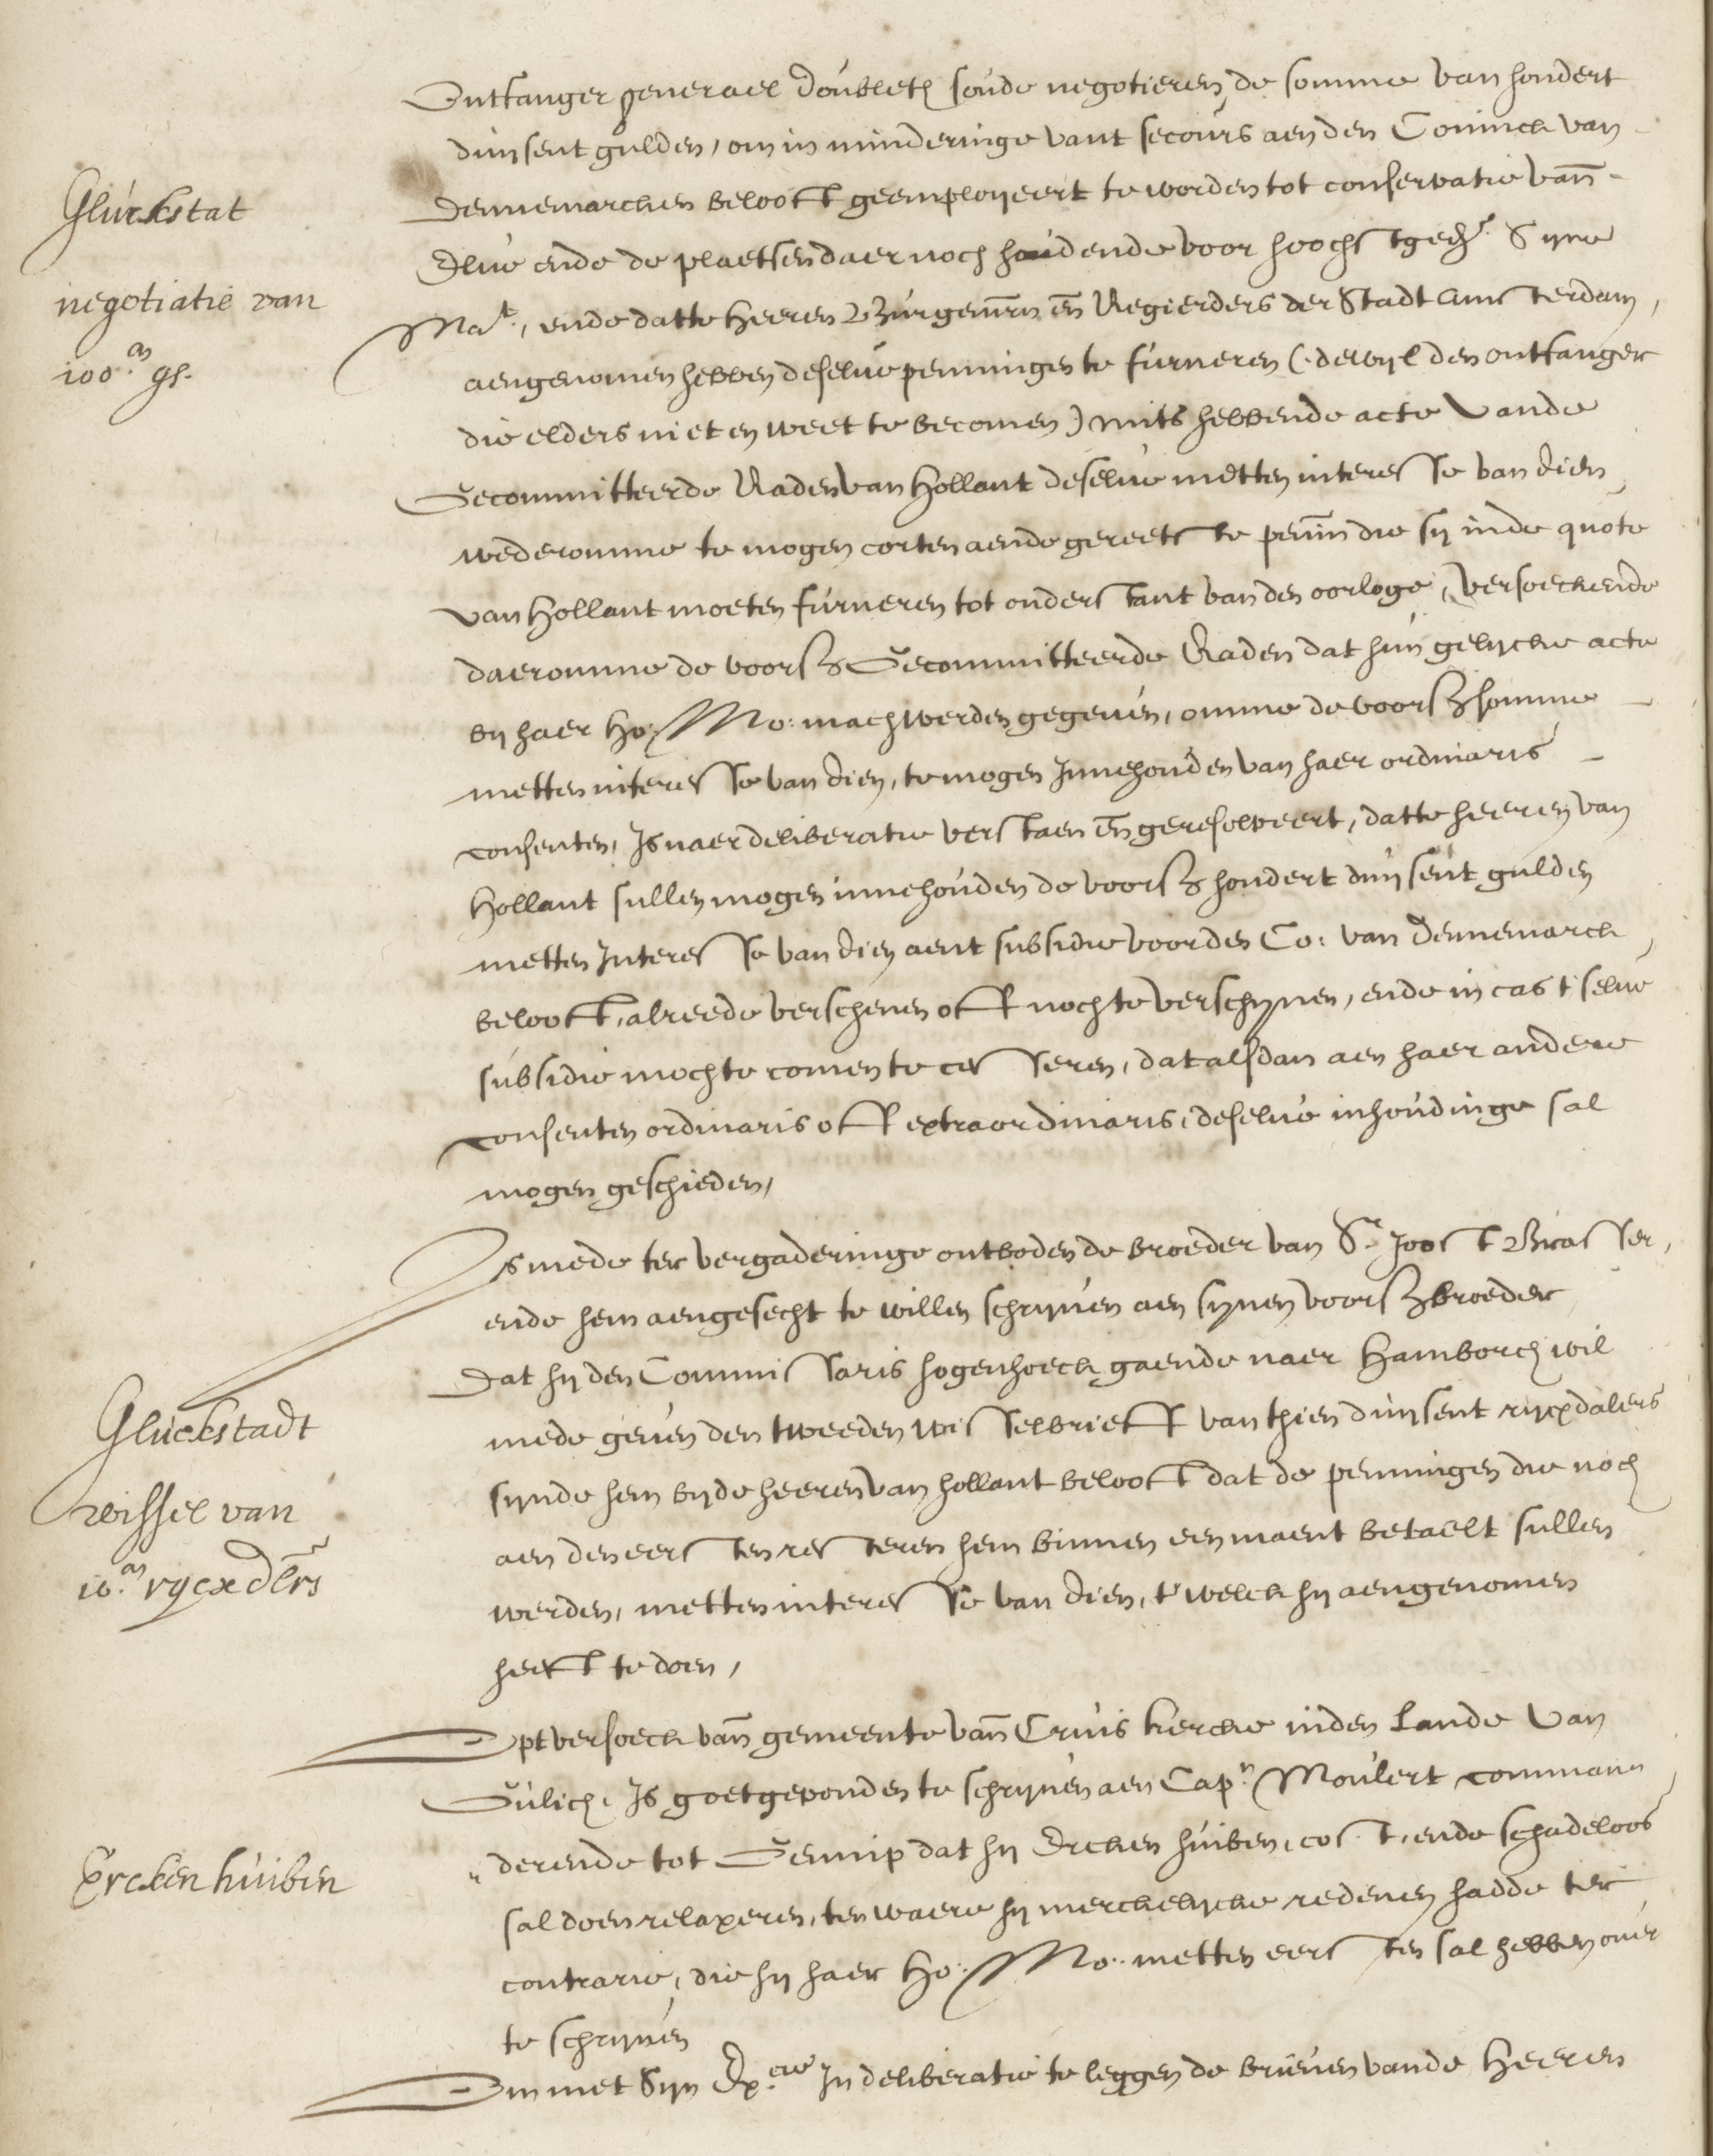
Gluckstat
negotiatie van
100m gs
Ontfanger generael doubleth soude negotieren de somme van hondert
duysent gulden, om in minderinge vant secours aen den Conick van
Dennemarcken belooft geemployeert te worden tot conservatie van
Elue ende de plaetsen daer noch houdende voor hoochstgede Syne
Mat. , ende datte heeren Burgemrn en Regierders der Stadt Amsterdam,
aengenomen hebben deselue penningen te furneren (.dewyl den ontfanger
die elders niet en weet te becomen.) mits hebbende acte vande
Gecommitteerde Raden van Hollant deselue metten interesse van dien
wederomme te mogen corten aende gereetste penin die sy inde quote
van Hollant moeten furneren tot onderstant van den oorloge, versoeckende
daeromme de voors Gecommitteerde Raden dat hun gelycke acte
by haer ho:Mo: mach werden gegeuen, omme de voors somme
metten interesse van dien, te mogen Innehouden van haer ordinaris
consenten. Is naer deliberatie verstaen en geresolveert, datte heeren van
Hollant sullen mogen innehouden de voors hondert duysent gulden
metten Interesse van dien aent subsidie voorden Co: van Dennemarck
belooft, alreede verschenen off nochte verschynen, ende in cas t'selue
subsidie mochte comen te casseren, dat alsdan aen haer andere
consenten ordinaris off extraordinaris, deselue inhoudinge sal
mogen geschieden.
Gluckstadt
wissel van
10m. rycxdlrs
Is mede ter vergaderinge ontboden de broeder van Sr. Joost Brasser,
ende hem aengesecht te willen schryuen aen synen voors broeder
Dat hy den Commissaris hogenhoeck gaende naer Hamborch wil
mede geuen den tweeden wisselbrieff van thien duysent rycxdalers
synde hem byde heeren van hollant belooft dat de penningen die noch
aen den eersten resteren hem binnen een maent betaelt sullen
werden, metten interesse van dien, t‛welck hy aengenomen
heeft te doen.
Ercken huiben
Opt versoeck van gemeente van Cruis kercke inden Lande van
Gulich, Is goetgevonden te schryuen aen Capn Moulert comman„
,,derende tot Gennip dat hy Ercken huiben, cost, ende schadeloos
sal doen relaxeren, ten waere hy merckelycke redenen hadde ter
contrarie, die hy haer ho:Mo: metten eersten sal hebben over
te schryuen
Om met Syn Excie. In deliberatie te leggen de brieuen vande heeren
